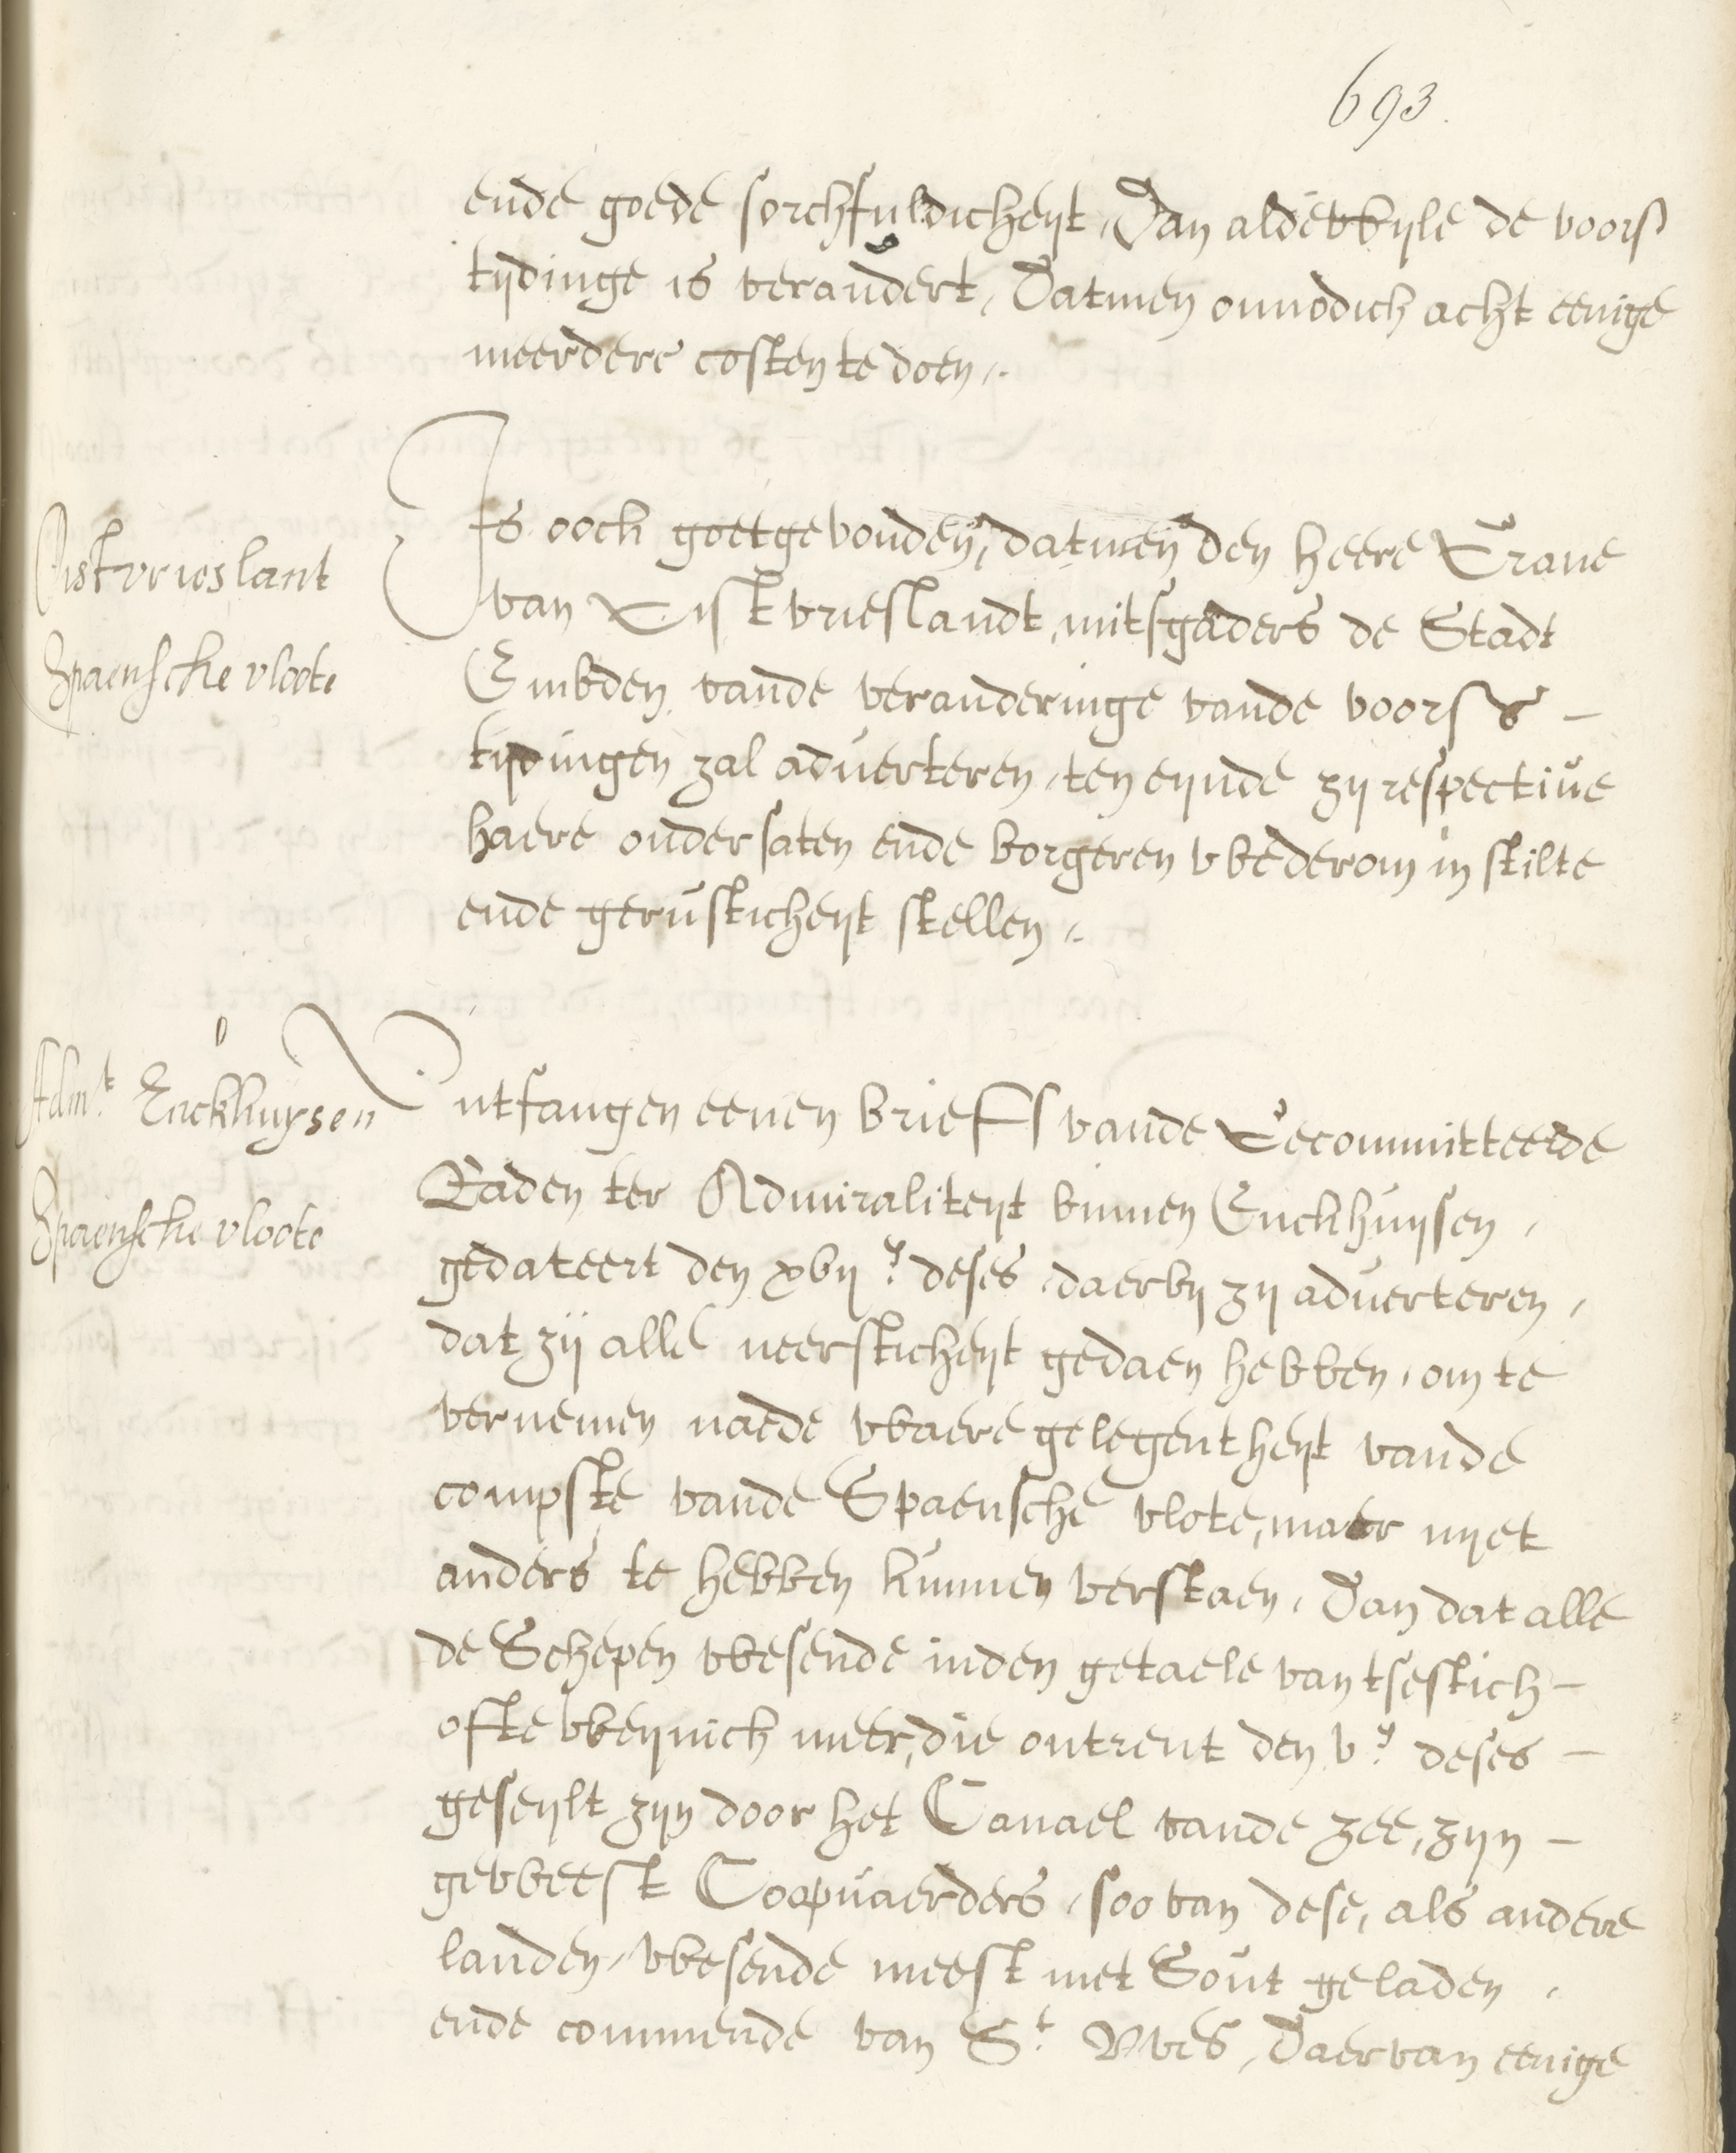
693.
ende goede sorchfuldicheyt, dan aldewyle de voors
tydinge is verandert, datmen onnodich acht eenige
meerdere costen te doen.
Oistvrieslant
Spaensche vloote
Is oock goetgevonden, datmen den heere Graue
van Oistvrieslandt, mitsgaders de Stadt
Embden vande veranderinge vande voors
tydingen zal aduerteren, ten eynde zij respectiue
haere ondersaten ende borgeren wederom in stilte
ende gerusticheyt stellen.
Admt. Enckhuysen
Spaensche vloote
Ontfangen eenen brieff vande Gecommitteerde
Raden ter Admiraliteyt binnen Enckhuysen
gedateert den xvije deses, daerby zy aduerteren
dat zij alle neersticheyt gedaen hebben, om te
vernemen naede waere gelegentheyt vande
compste vande Spaensche vlote, maer nyet
anders te hebben kunnen verstaen, dan dat alle
de Schepen wesende inden getaele van tsestich
ofte weynich meer, die ontrent den ve deses
geseylt zyn door het Canael vande zee, zyn -
geweest Coopuaerders, soo van dese, als andere
landen, wesende meest met Sout geladen,
ende commende van St. Yves, daervan eenige
